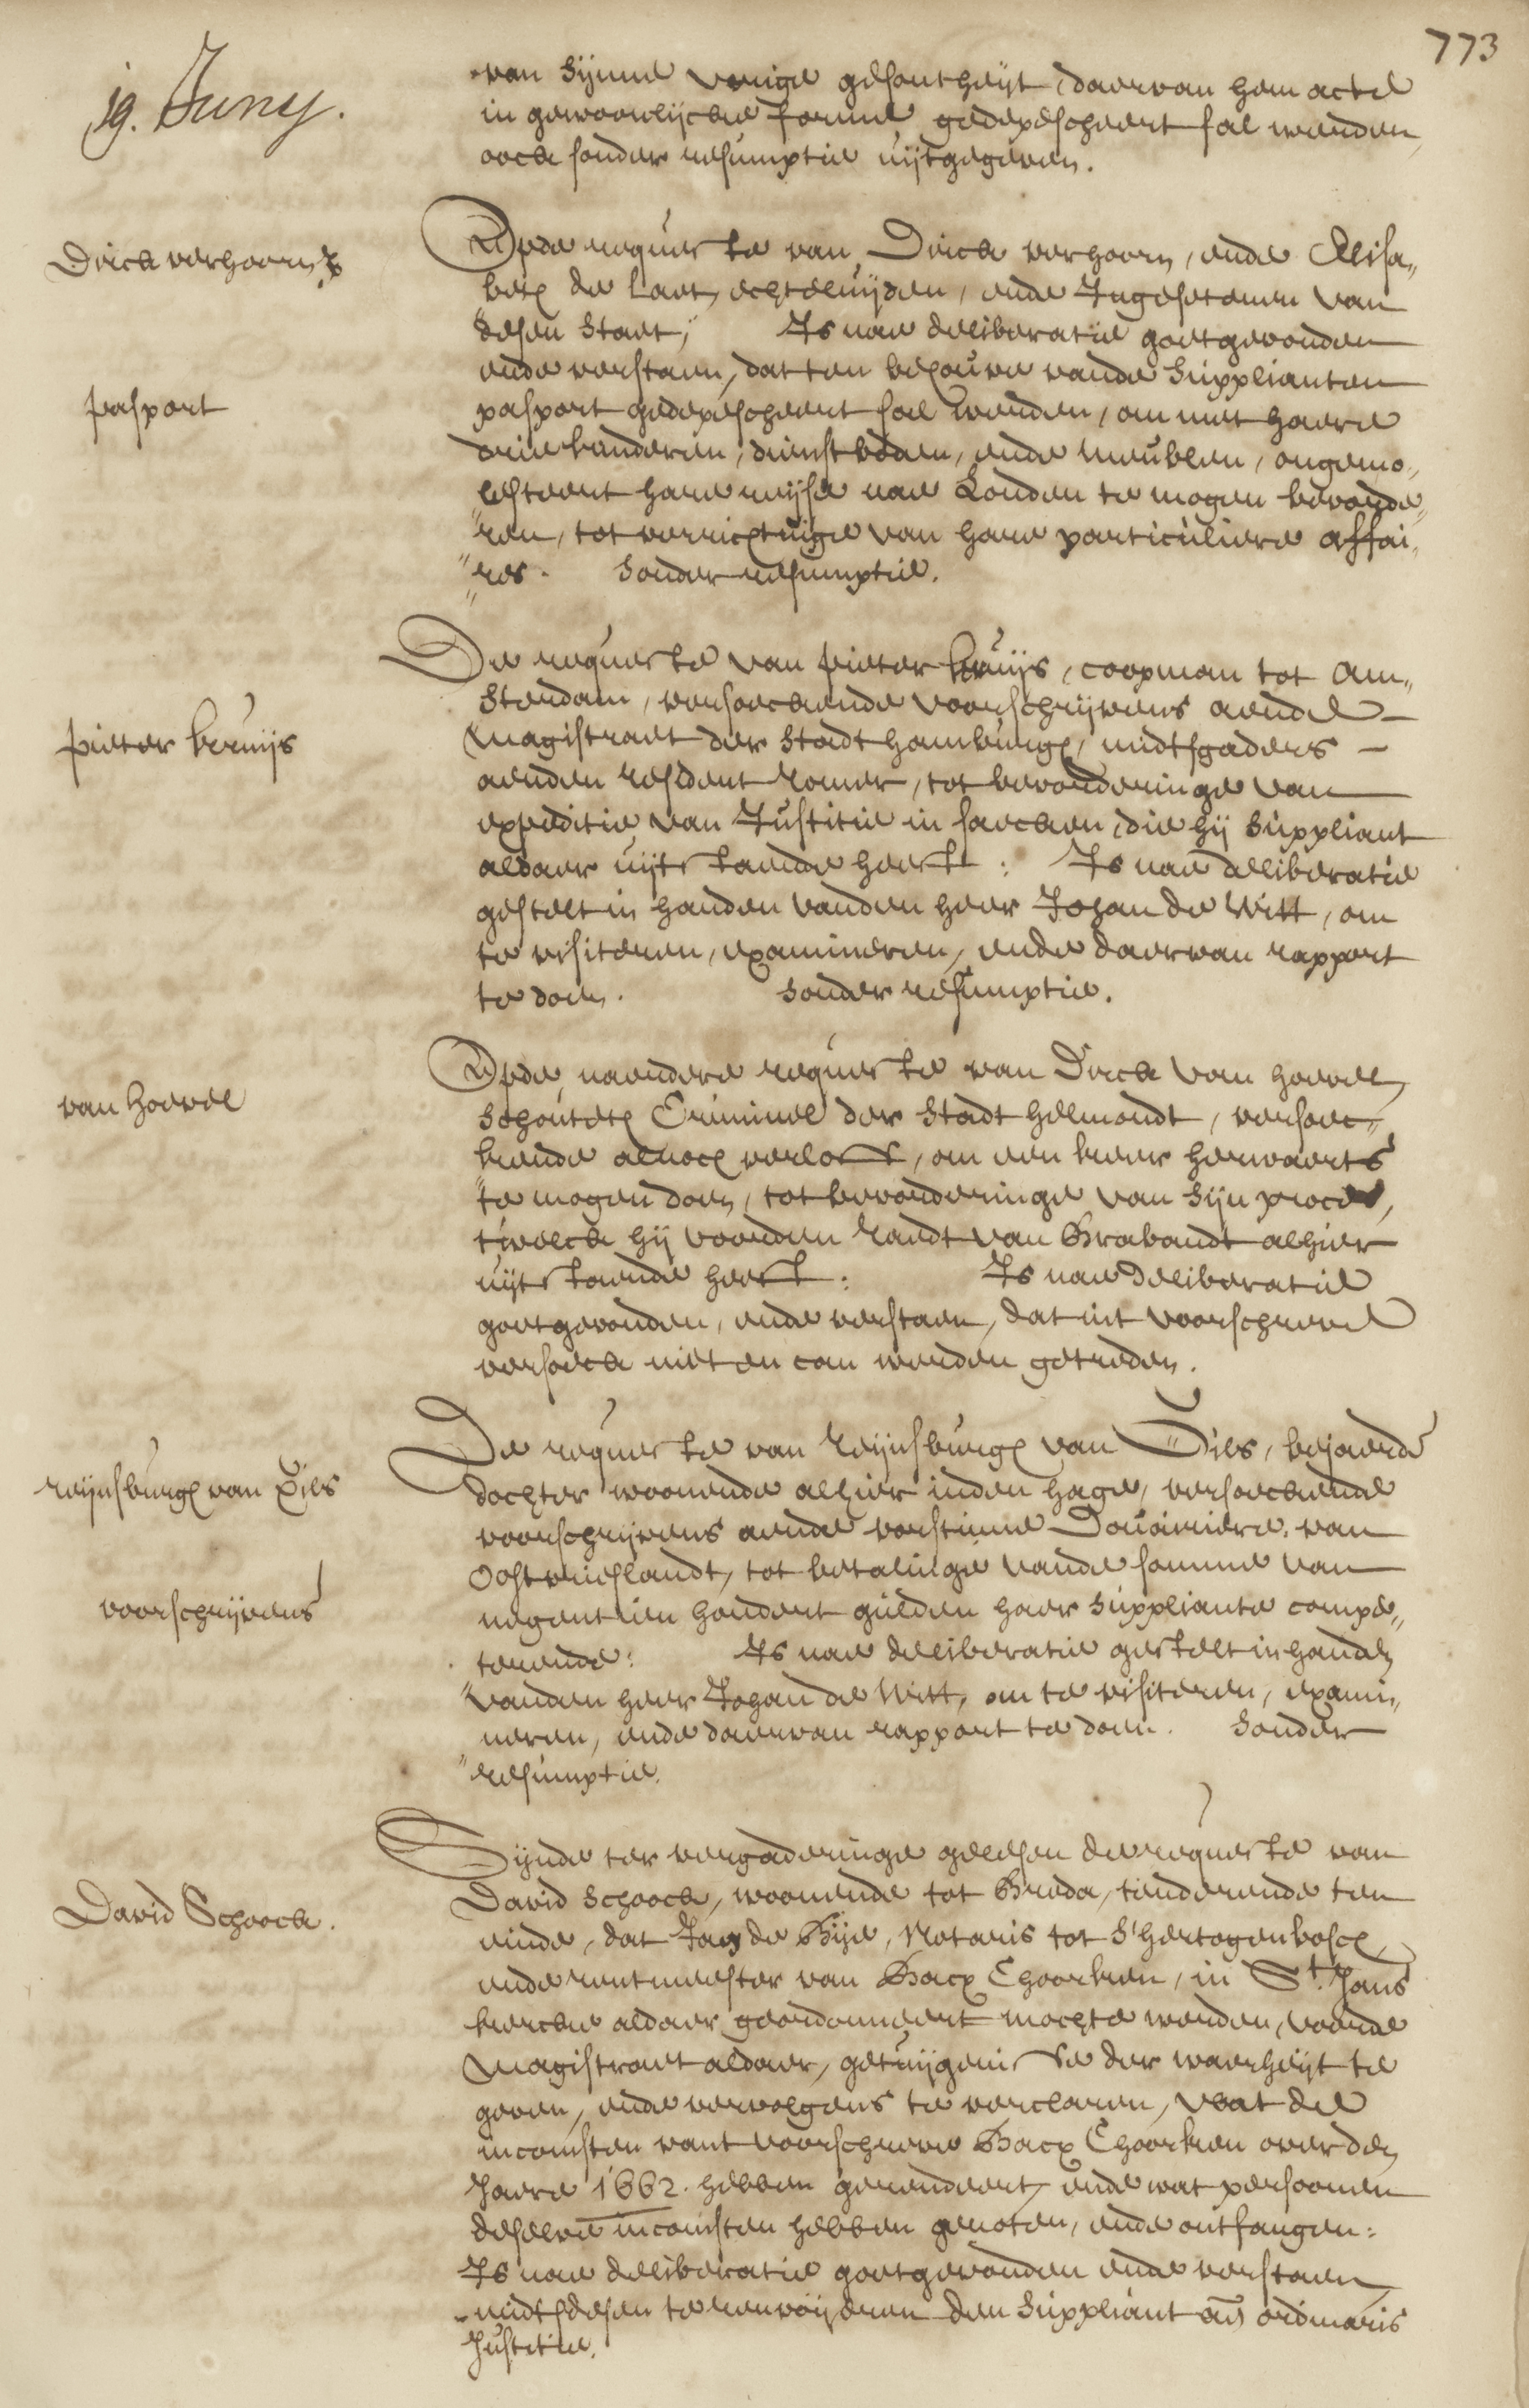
773
19. Juny.
van sijnne vorige gesontheijt, daervan hem acte
in gewoonlijcke forme gedepescheert sal werden,
oock sonder resumptie uijtgegeven.
Dirck verhoorn @.
pasport
Opde requeste van Dirck verhoorn, ende Elisa„
„beth de laet, echteluijden, ende Ingesetenen van
desen Staet; Is nae deliberatie goetgevonden
ende verstaen, dat ten behouve vande Supplianten
pasport gedepescheert sal werden, om met haere
drie kinderen, dienstboden, ende meublen, ongemo„
„lesteert hare reijse nae Londen te mogen bevorde„
„ren, tot verrichtinge van hare particuliere affai„
„res. sonder resumptie.
Pieter Kruijs
De requeste van Pieter Kruijs, coopman tot Am„
„sterdam, versoeckende voorschrijvens aende -
magistraet der stadt hamburgh, midtsgaders -
aenden resident romer, tot bevorderinge van
expeditie van Justitie in saecken, die hij Suppliant
aldaer uijtstaende heeft: Is nae deliberatie
gestelt in handen vanden heer Johan de Witt, om
te visiteren, examineren, ende daervan rapport
te doen. sonder resumptie.
van hoevel
Opde naerdere requeste van Dirck van hoevel,
Schouteth Criminel der Stadt helmondt, versoec„
„kende alnoch verloff, om een keer herwaerts
te mogen doen, tot bevorderinge van sijn proces,
t'welck hij voorden Raedt van Brabandt alhier
uijtstaende heeft: Is nae deliberatie
goetgevonden, ende verstaen, dat int voorschreve
versoeck niet en can werden getreden.
reijnsburgh van Gils
voorschrijvens
De requeste van Reijnsburgh van Gils, bejaerde
dochter woonende alhier inden hage, versoeckende
voorschrijvens aende vorstinne Douairiere van
Oostvrieslandt, tot betalinge vande somme van
negentien hondert gulden haer suppliante compe„
„terende: Is nae deliberatie gestelt in handen
vanden heer Johan de Witt, om te visiteren, exami„
„neren, ende daervan rapport te doen. sonder
resumptie.
David Schoock.
Sijnde ter vergaderinge gelesen de requeste van
David Schoock, woonende tot Breda, tenderende ten
einde, dat Jan de Bije, Notaris tot s'hertogenbosch,
ende rentmeester van Bacx Choorken, in St. Jans
kercke aldaer geordonneert mochte werden, voorde
Magistraet aldaer, getuijgenisse der waerheijt te
geven, ende vervolgens te verclaren, wat de
incomsten vant voorschreve Bacx Choorken over den
Jaere 1662. hebben gerendeert, ende wat persoonen
deselve incomsten hebben genoten, ende ontfangen:
Is nae deliberatie goetgevonden ende verstaen,
midtsdesen te renvoijeren den Suppliant aen ordinaris
Justitie.
